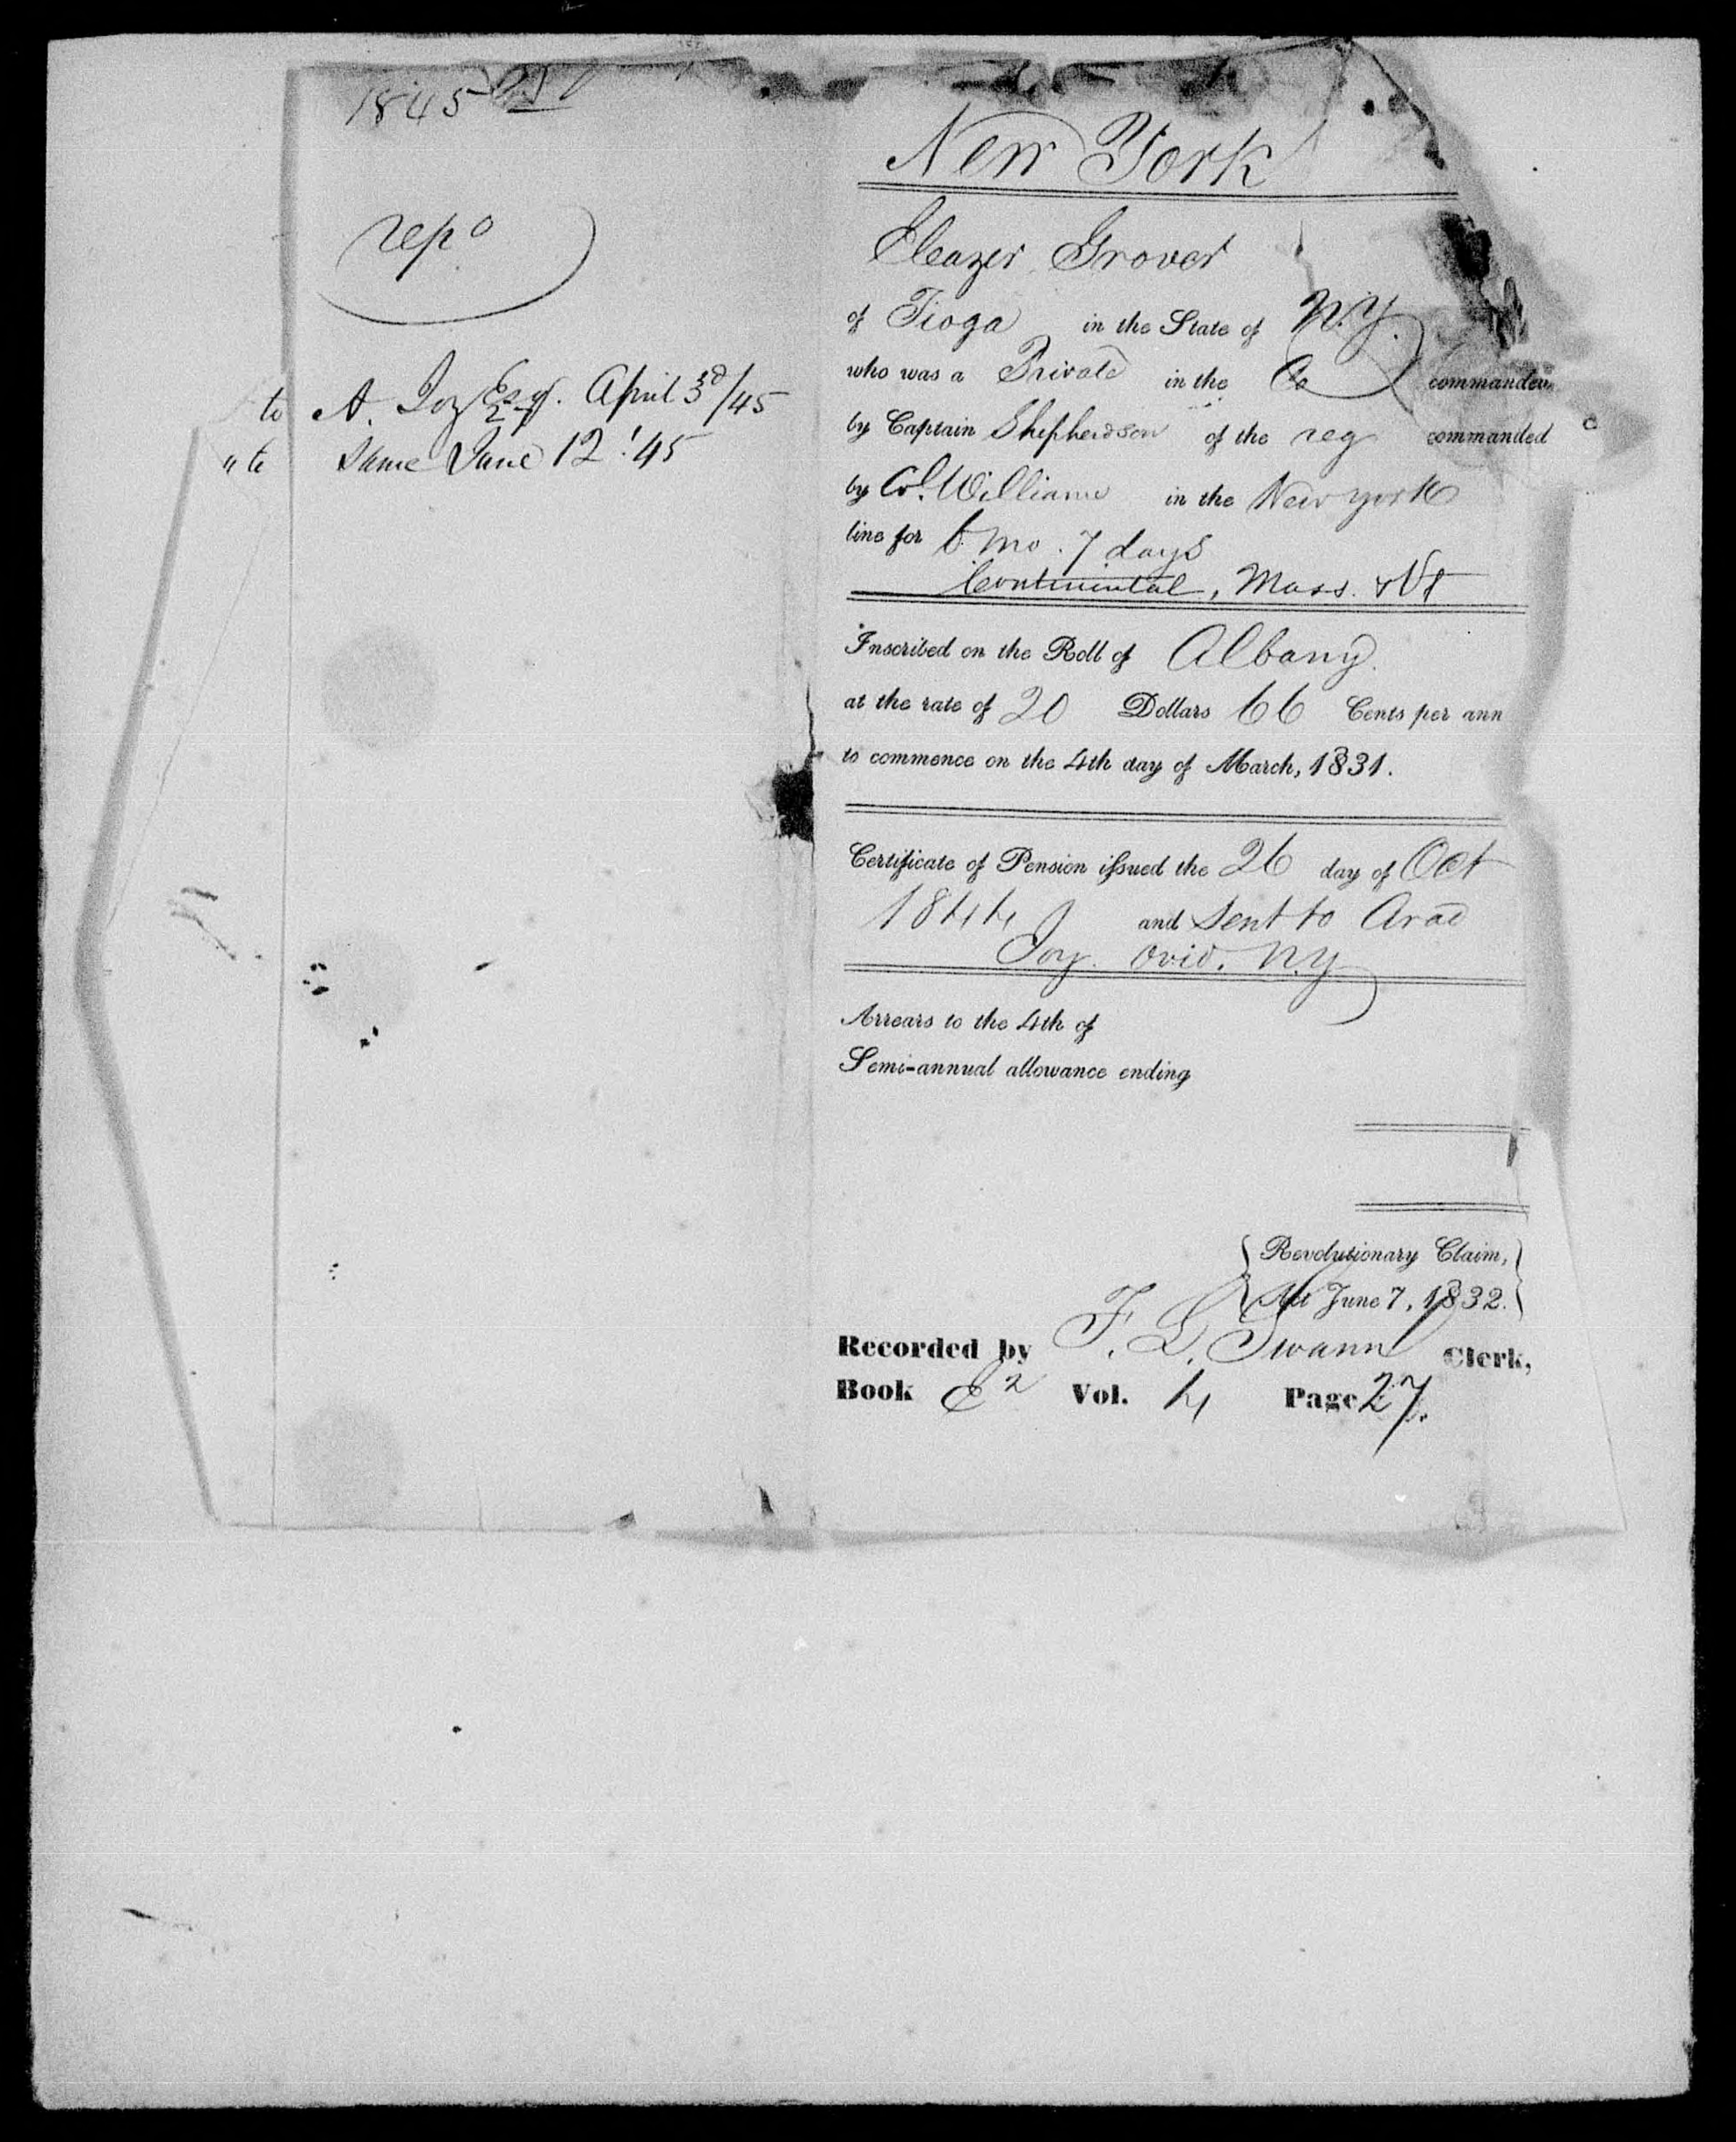[verso]
1845
rep'd
to A. Joy Esq. April 3d/45
" to same June 12 '45

[recto]
New York
Eleazer Grover of Tioga in the State of N.Y. who was a Private in the Co. commanded by Capt Shepherdson of the reg commanded by Col. Williams in the New York line for 6 mo. 7 days 
Continental, Mass. & Vt
Inscribed on the Roll of Albany at the rate of 20 Dollars 66 Cents per annum to commence on the 4th day of March, 1831.
Certificate of Pension issued the 26 day of Oct 1844 and sent to Arad Joy, Ovid, N.Y.
Arrears to the 4th of [blank]
Semi-annual allowance ending [blank]
{Revolutionary Claim, Act June 7, 1832.}
Recorded by F. L. Swann Clerk,
Book E2 Vol. 4 Page 27.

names: Arad Joy, Williams, Eleazer Grover, A Joy, F L Swann, Shepherdson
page: 43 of 43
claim: survivor's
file: S. 28748, Eleazer Grover, Continental Mass. Vt.